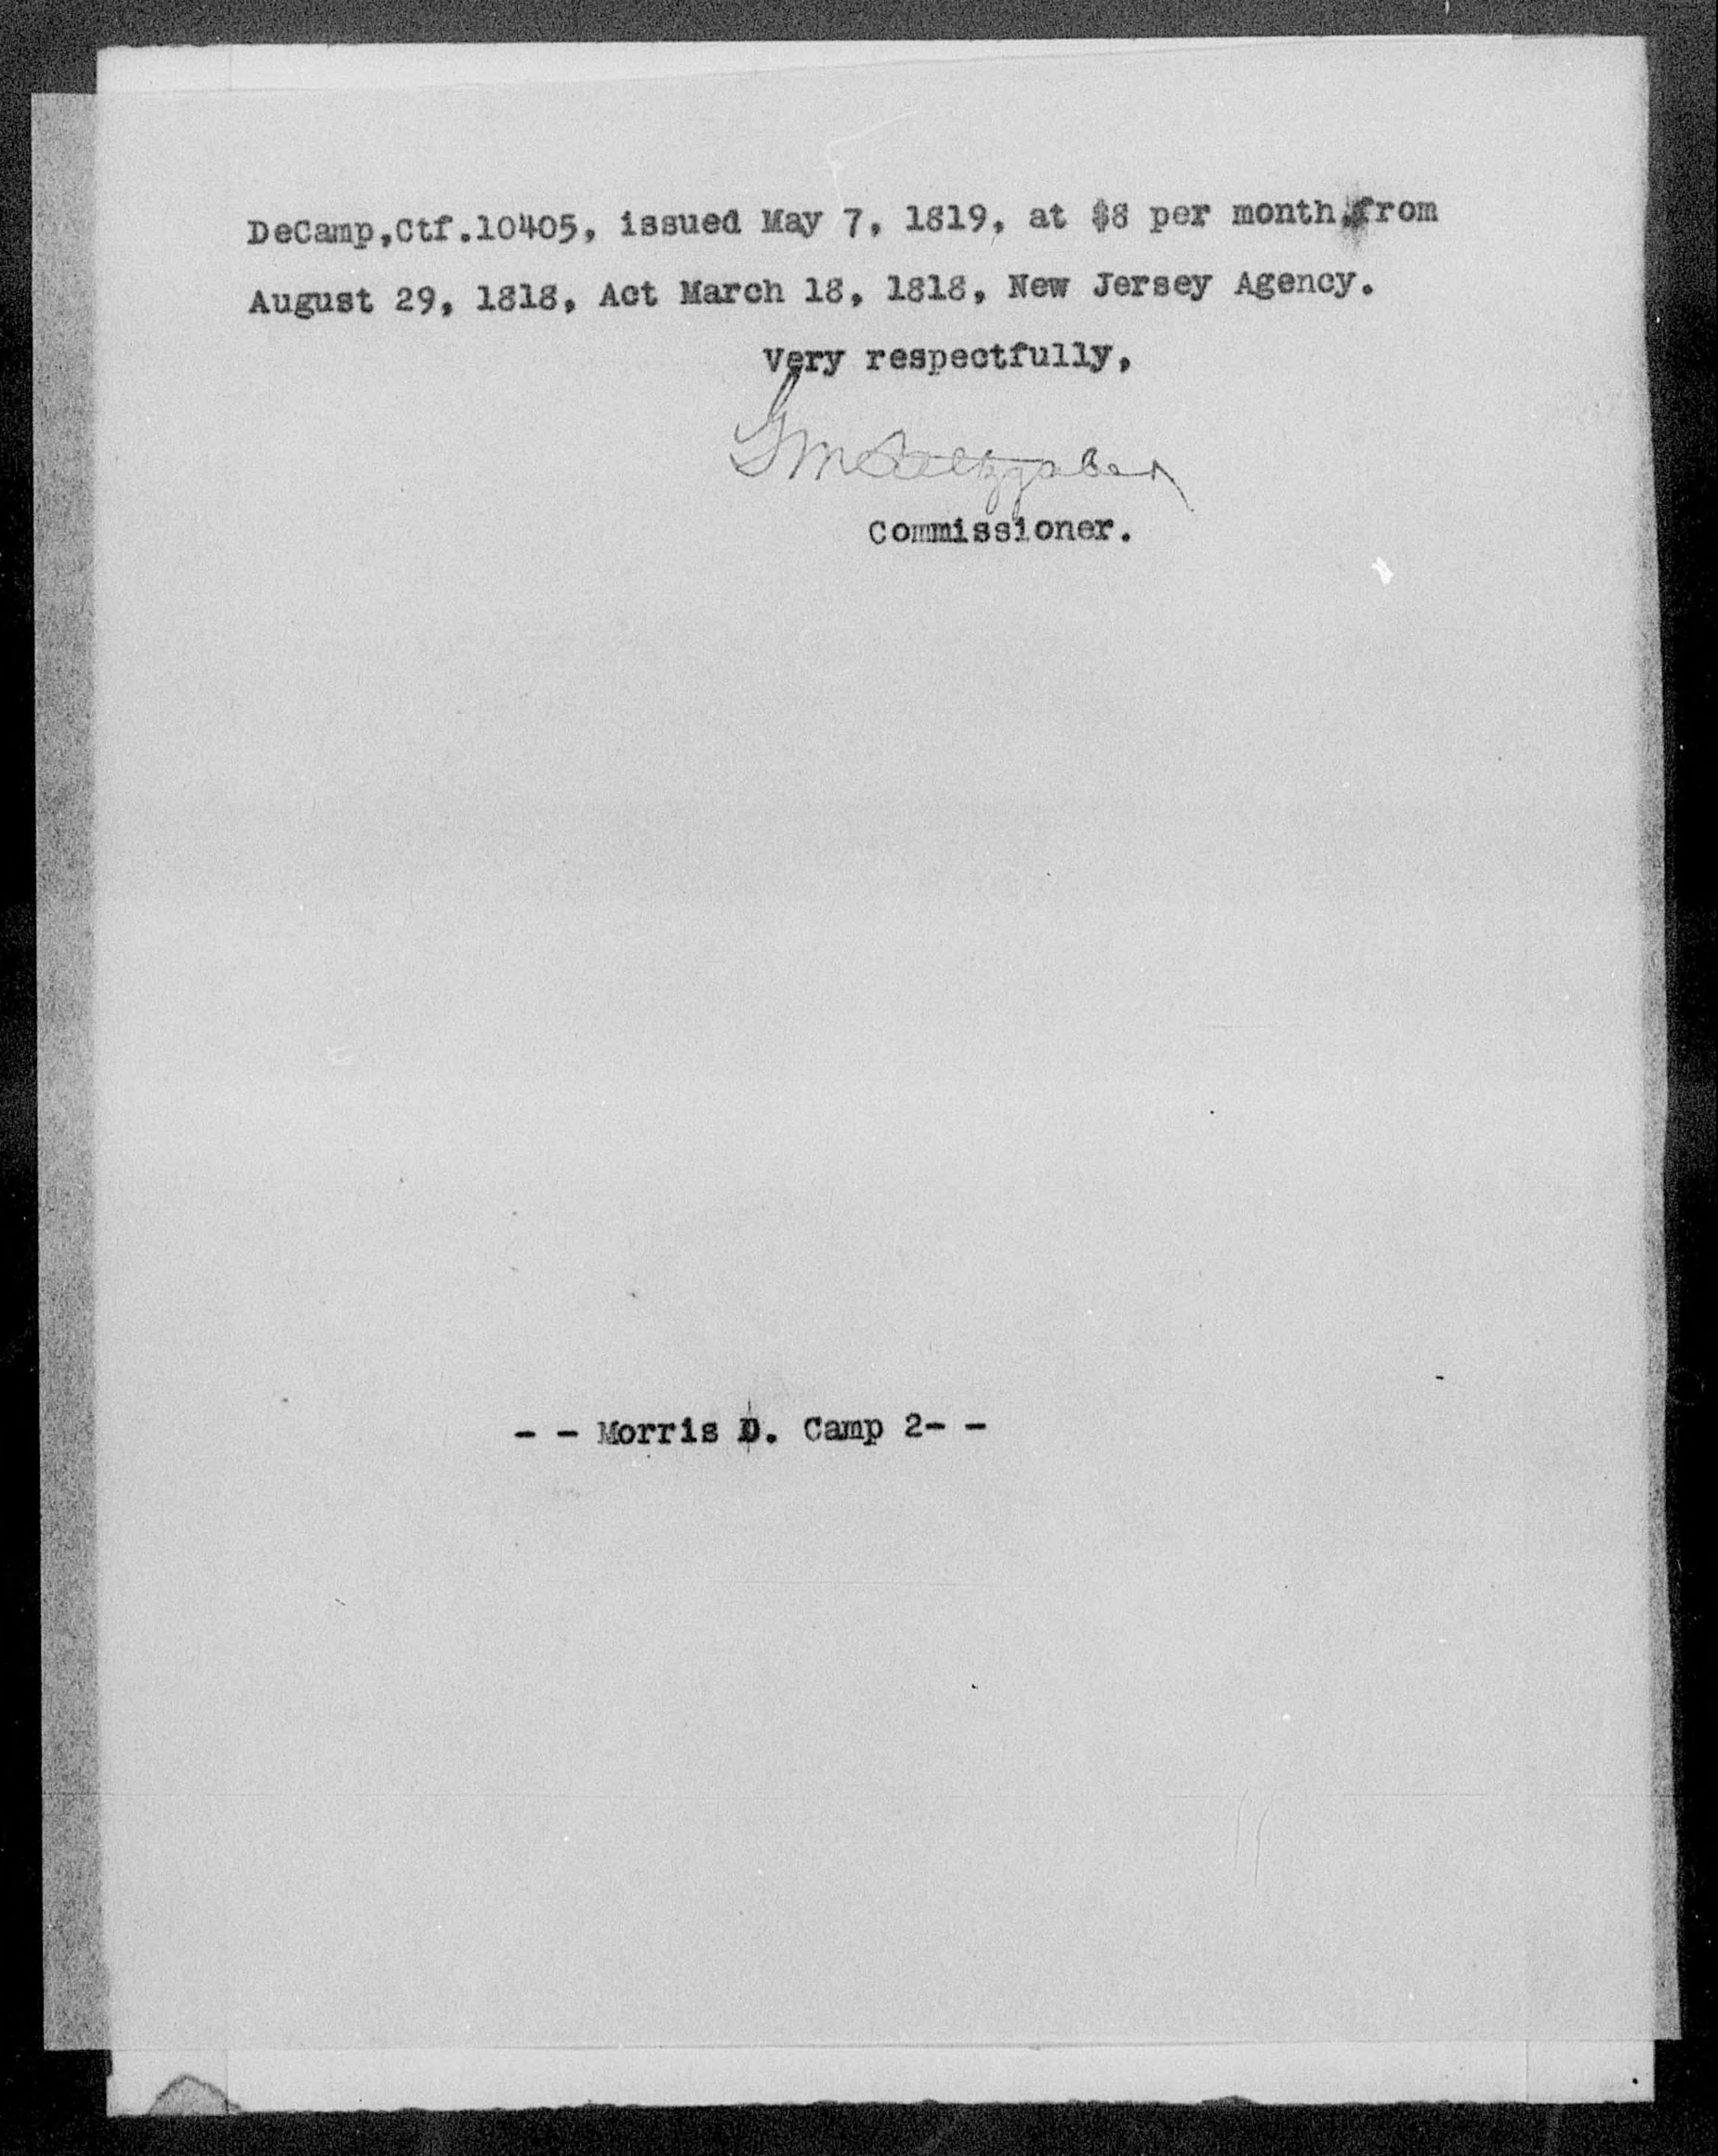Decamp, Ctf. 10405, issued May 7, 1819, at $8 per month from
August 29, 1818, Act March 18, 1818, New Jersey Agency.
very respectfully,
G M Saltzgaber
Commissioner,
- - Morris D. Camp 2- -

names: De Camp, Morris D Camp, G M Saltzgaber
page: 50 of 52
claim: survivor's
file: S. 34172, Morris D Camp, Continental (New Jersey)